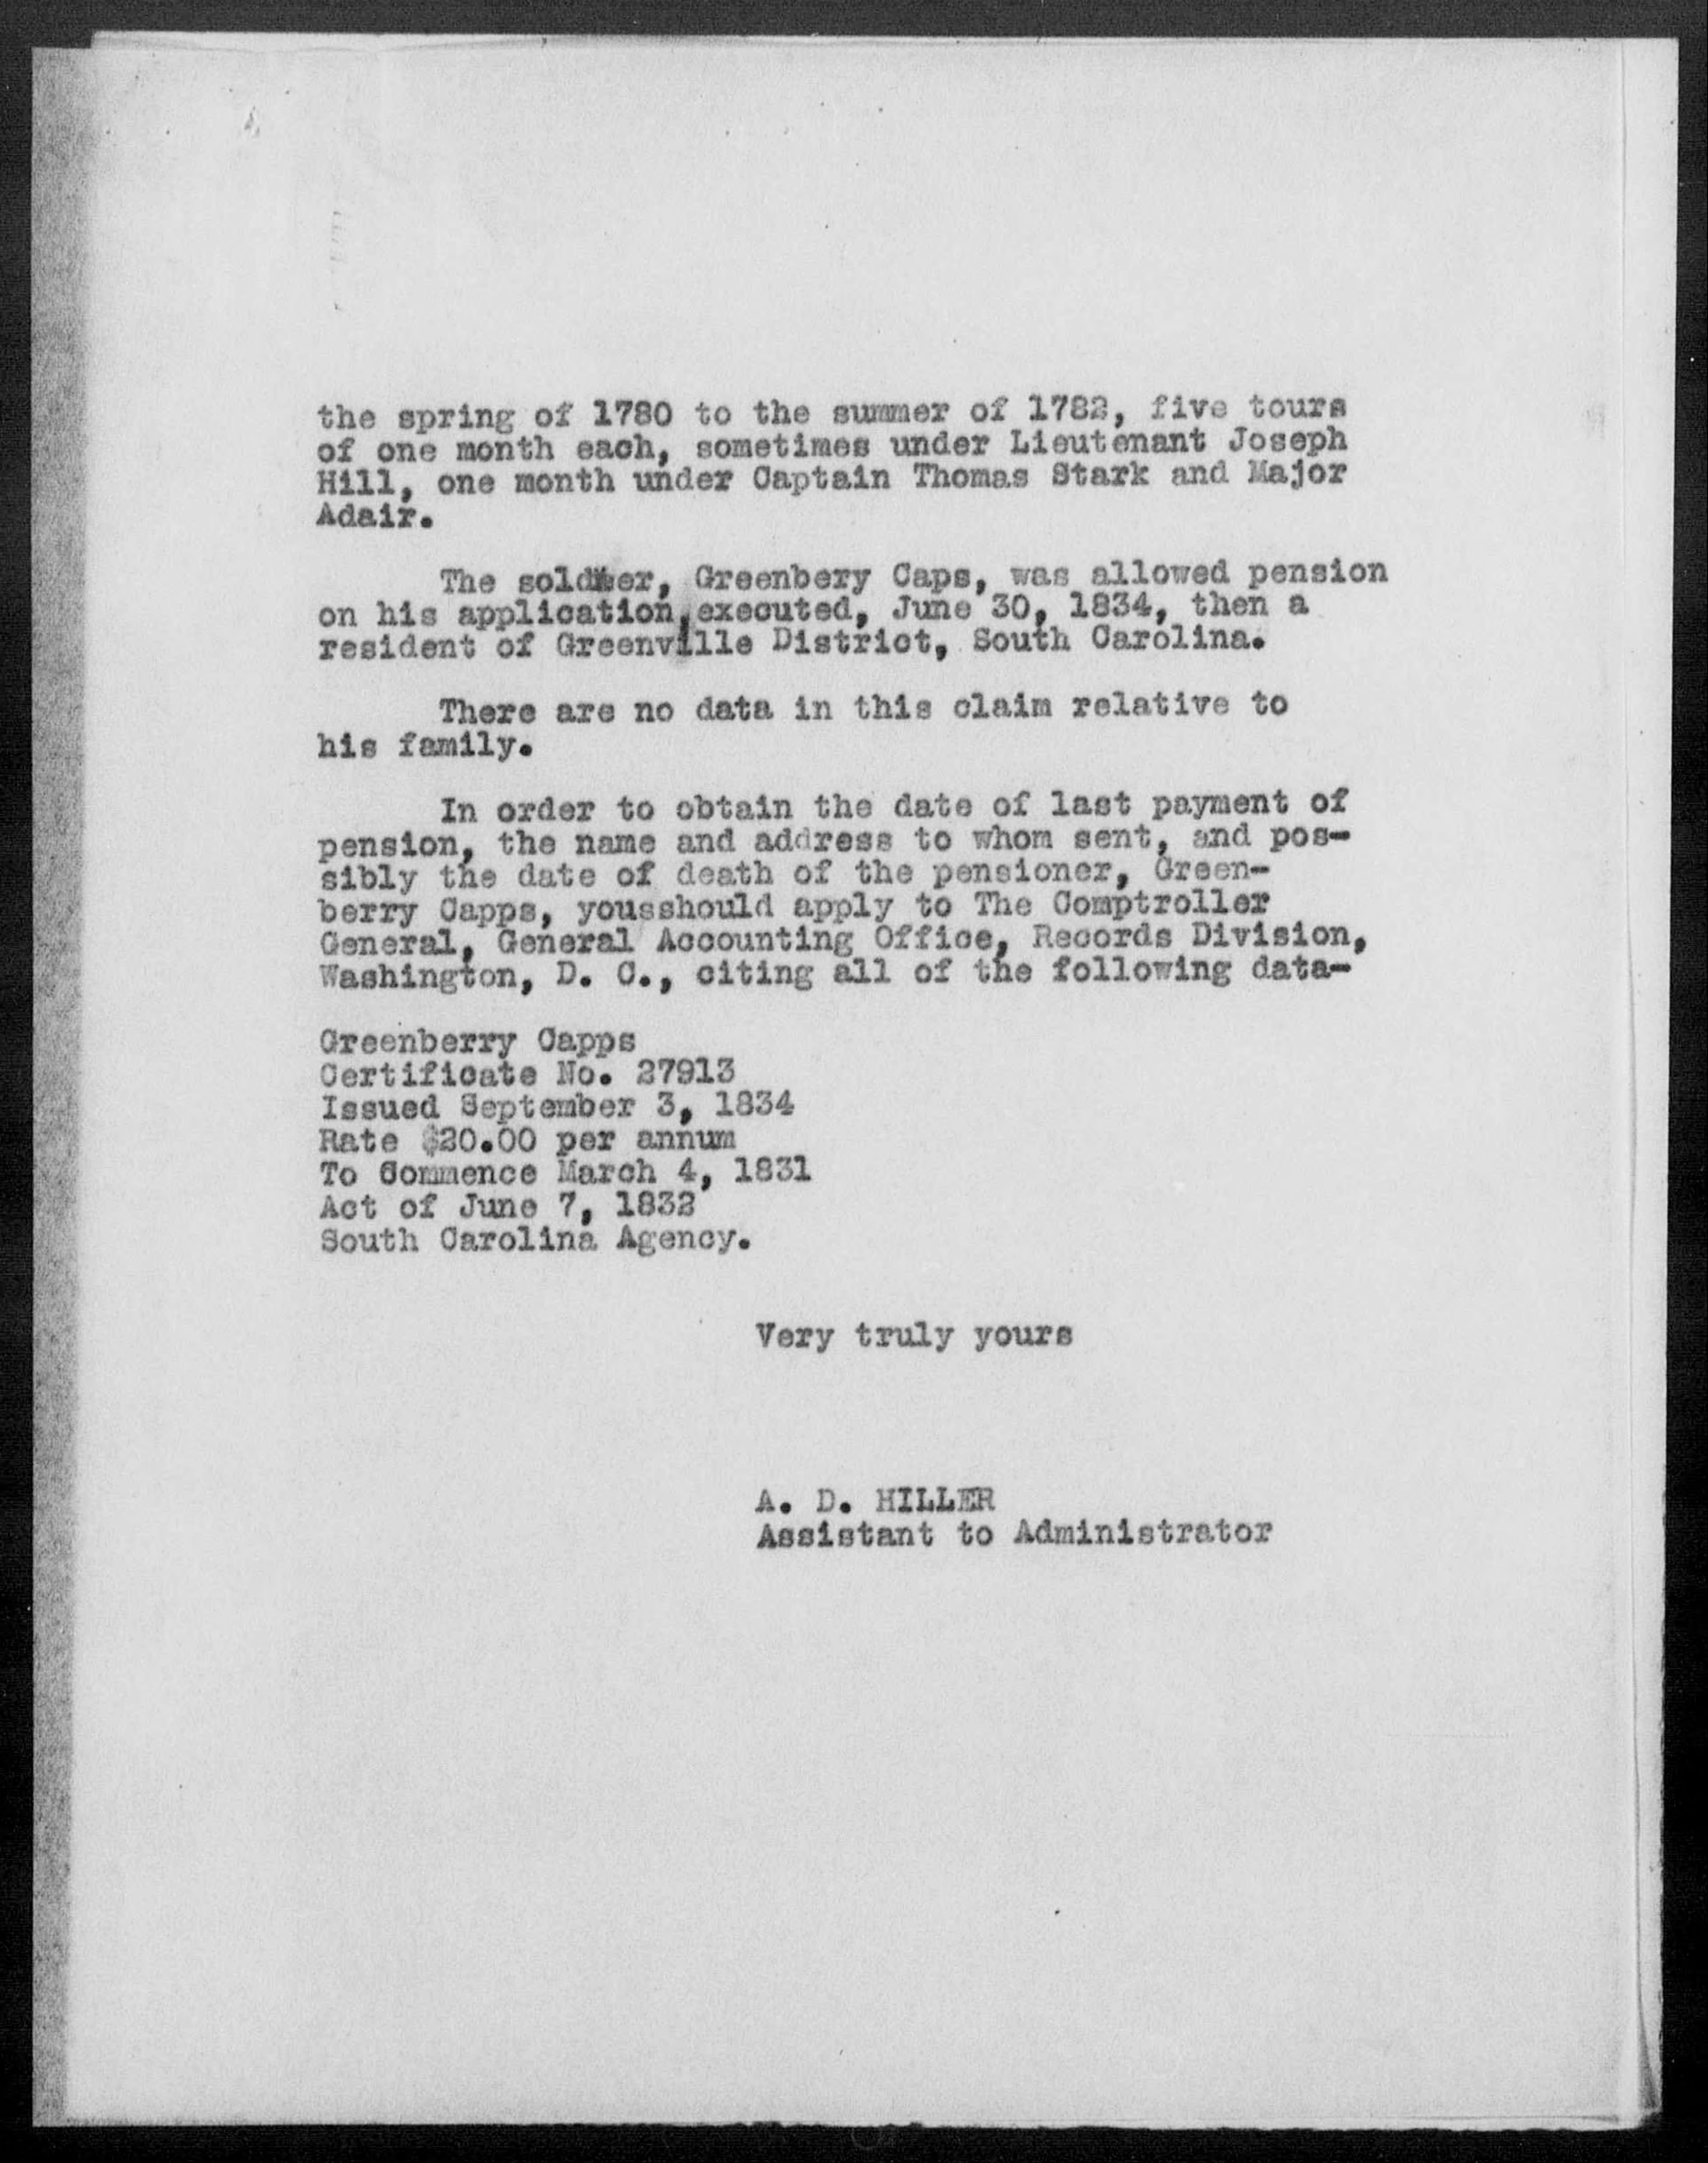the spring of 1780 to the summer of 1782, five tours of one month each, sometimes under Lieutenant Joseph Hill, one month under Captain Thomas Stark and Major Adair.

The soldier, Greenbery Caps, was allowed pension on his application executed June 30, 1834, then a resident of Greenville District, South Carolina.

There are no data in this claim relative to
his family.

In order to obtain the date of last payment of
pension, the name and address to whom sent, and possibly the date of death of the pensioner, Greenberry Capps, you should apply to The Comptroller General, General Accounting Office, Records Division, Washington, D.C., citing all of the following data--

Greenberry Capps
Certificate No. 27913
Issued September 3, 1834
Rate $20.00 per annum
To Commence March 4, 1831
Act of June 7, 1832
South Carolina Agency.

Very truly yours

A. D. HILLER
Assistant to Administrator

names: Thomas Stark, Greenbery Caps, Adair, A D Hiller, Greenberry Capps, Joseph Hill, Greenberry Capps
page: 10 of 26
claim: survivor's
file: S. 21105, Greenbery Caps, S.C.